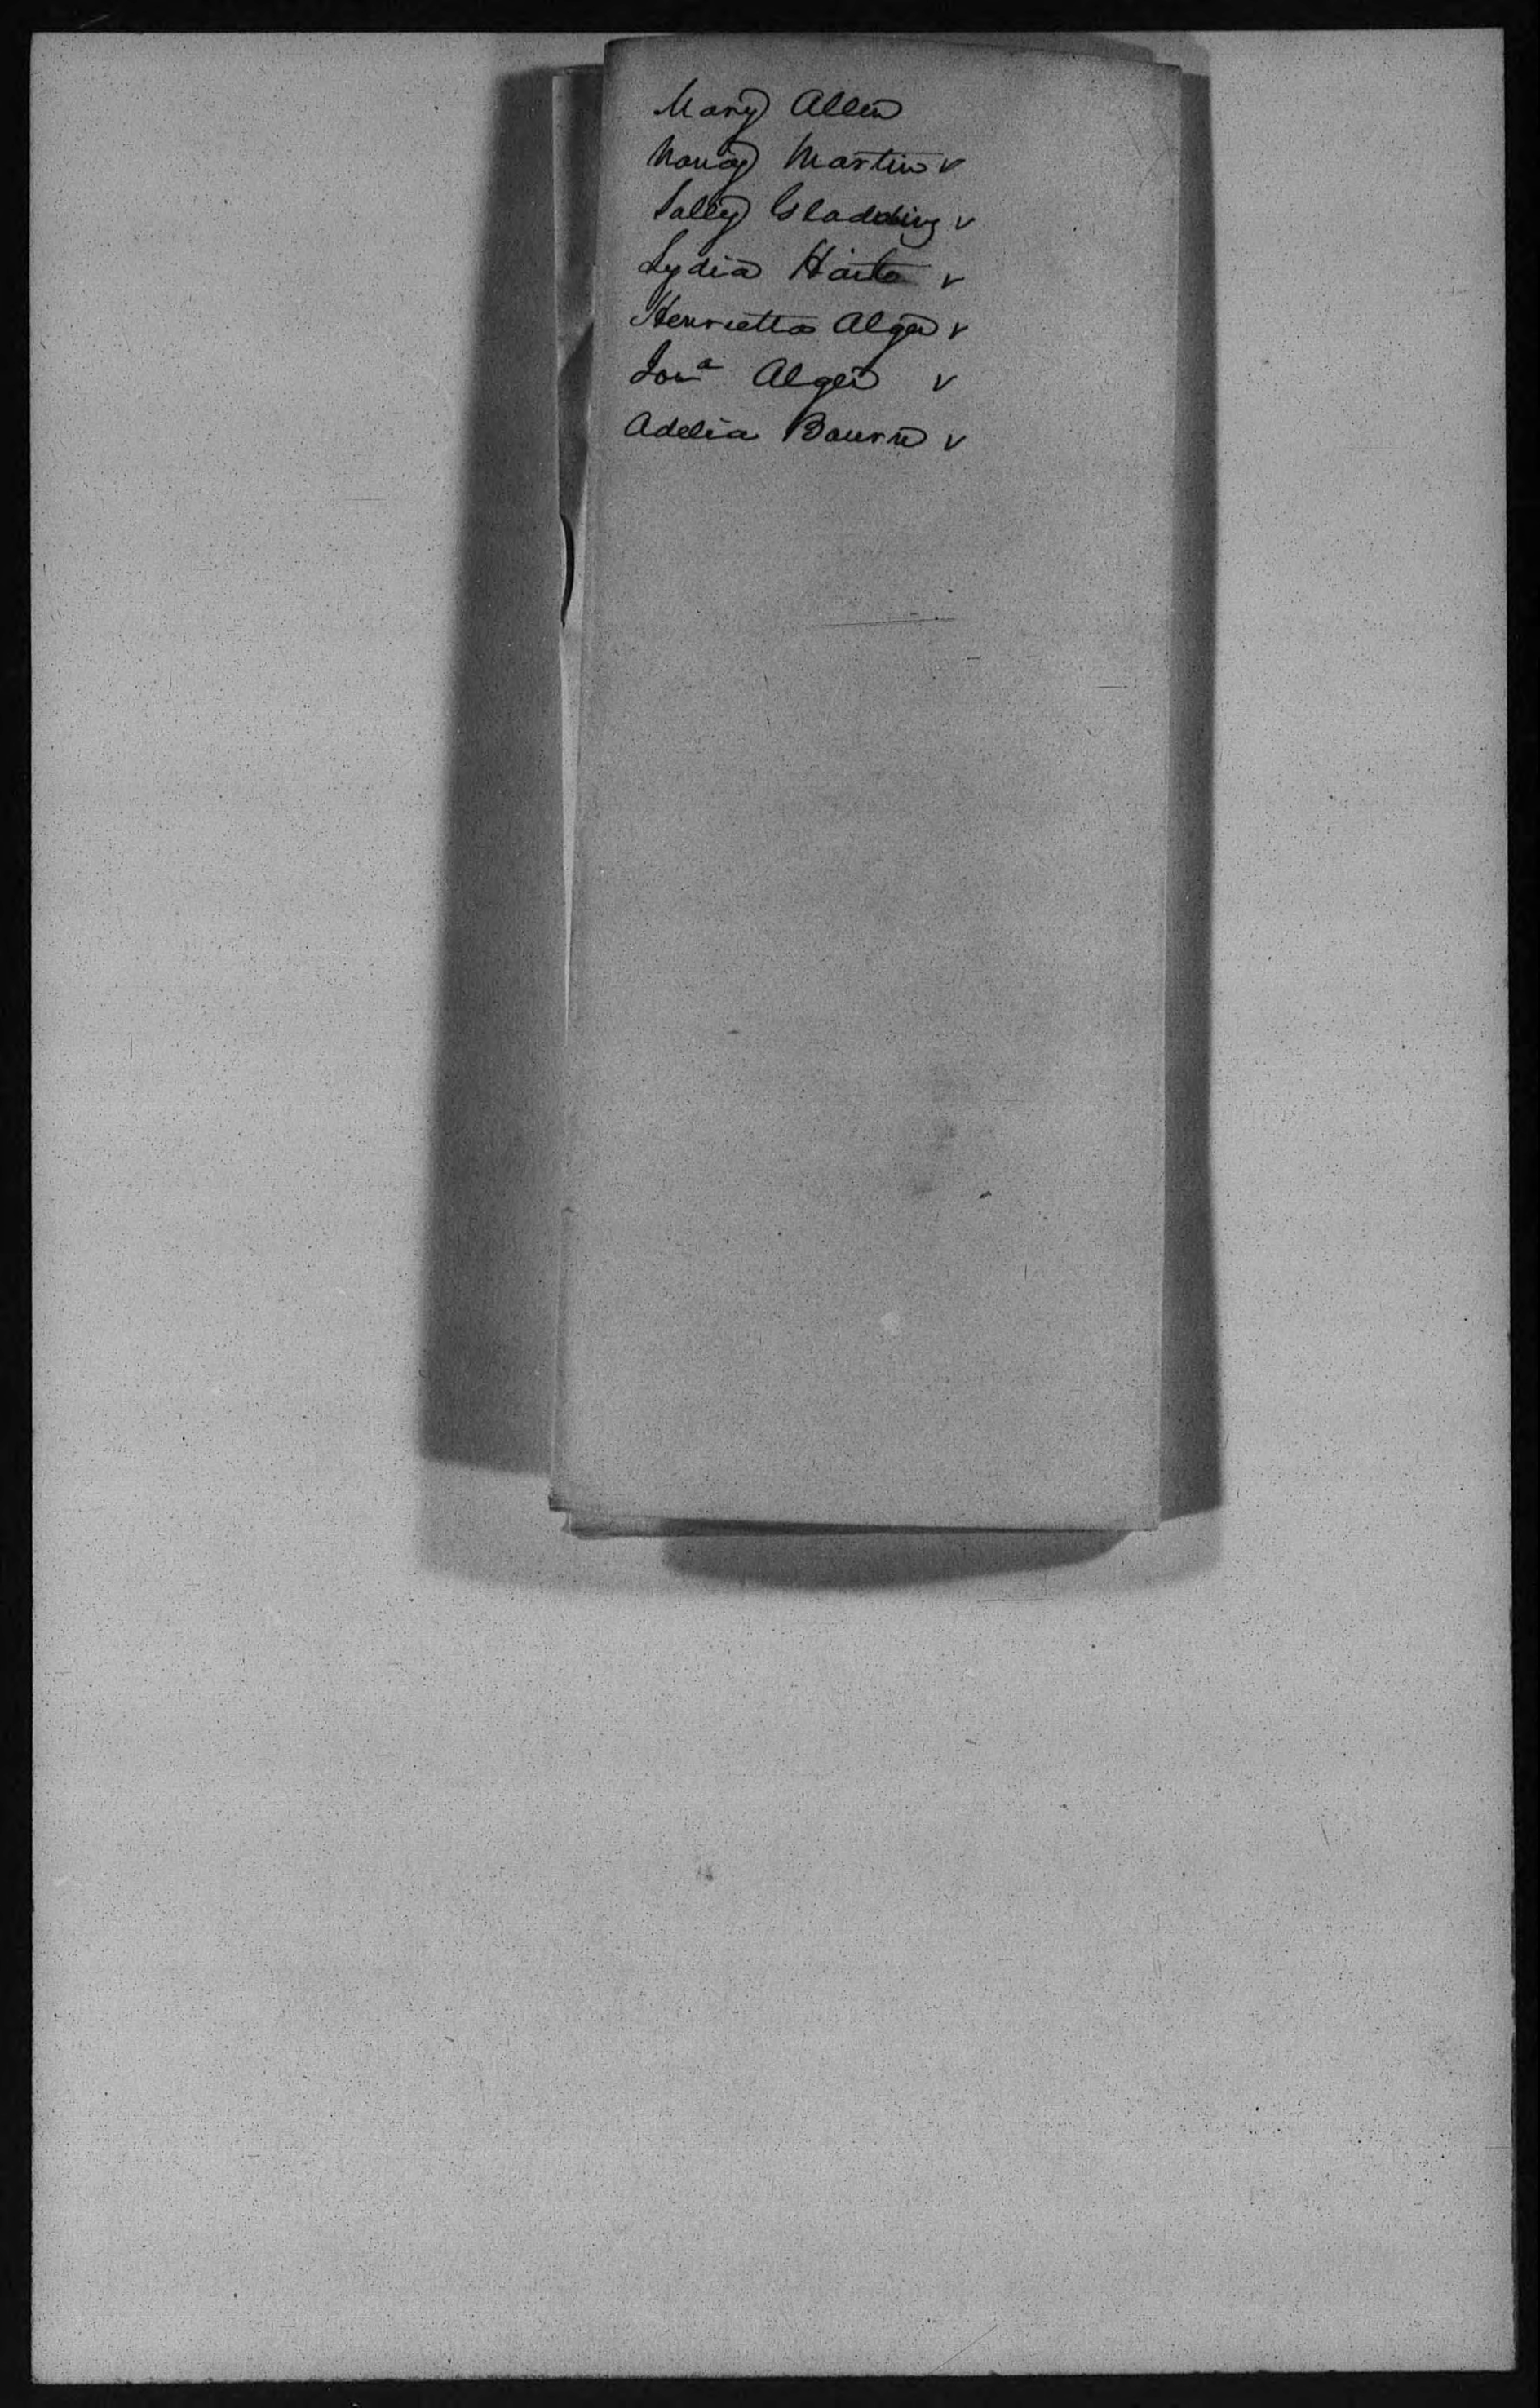Mary Allen
Nancy Martin [check mark]
Sally Gladding {check mark]
Lydia Haite [check mark]
Henrietta Alger [check mark]
Jon'a Alger [check mark]
Adelia Bourne [check mark]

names: Sally Gladding, Nancy Martin, Jona Alger, Mary Allen, Adelia Baurn, Henreatta Alger, Lydia Haite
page: 13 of 16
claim: survivor's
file: S. 21040, Jonathan Alger, Mass. R. I.